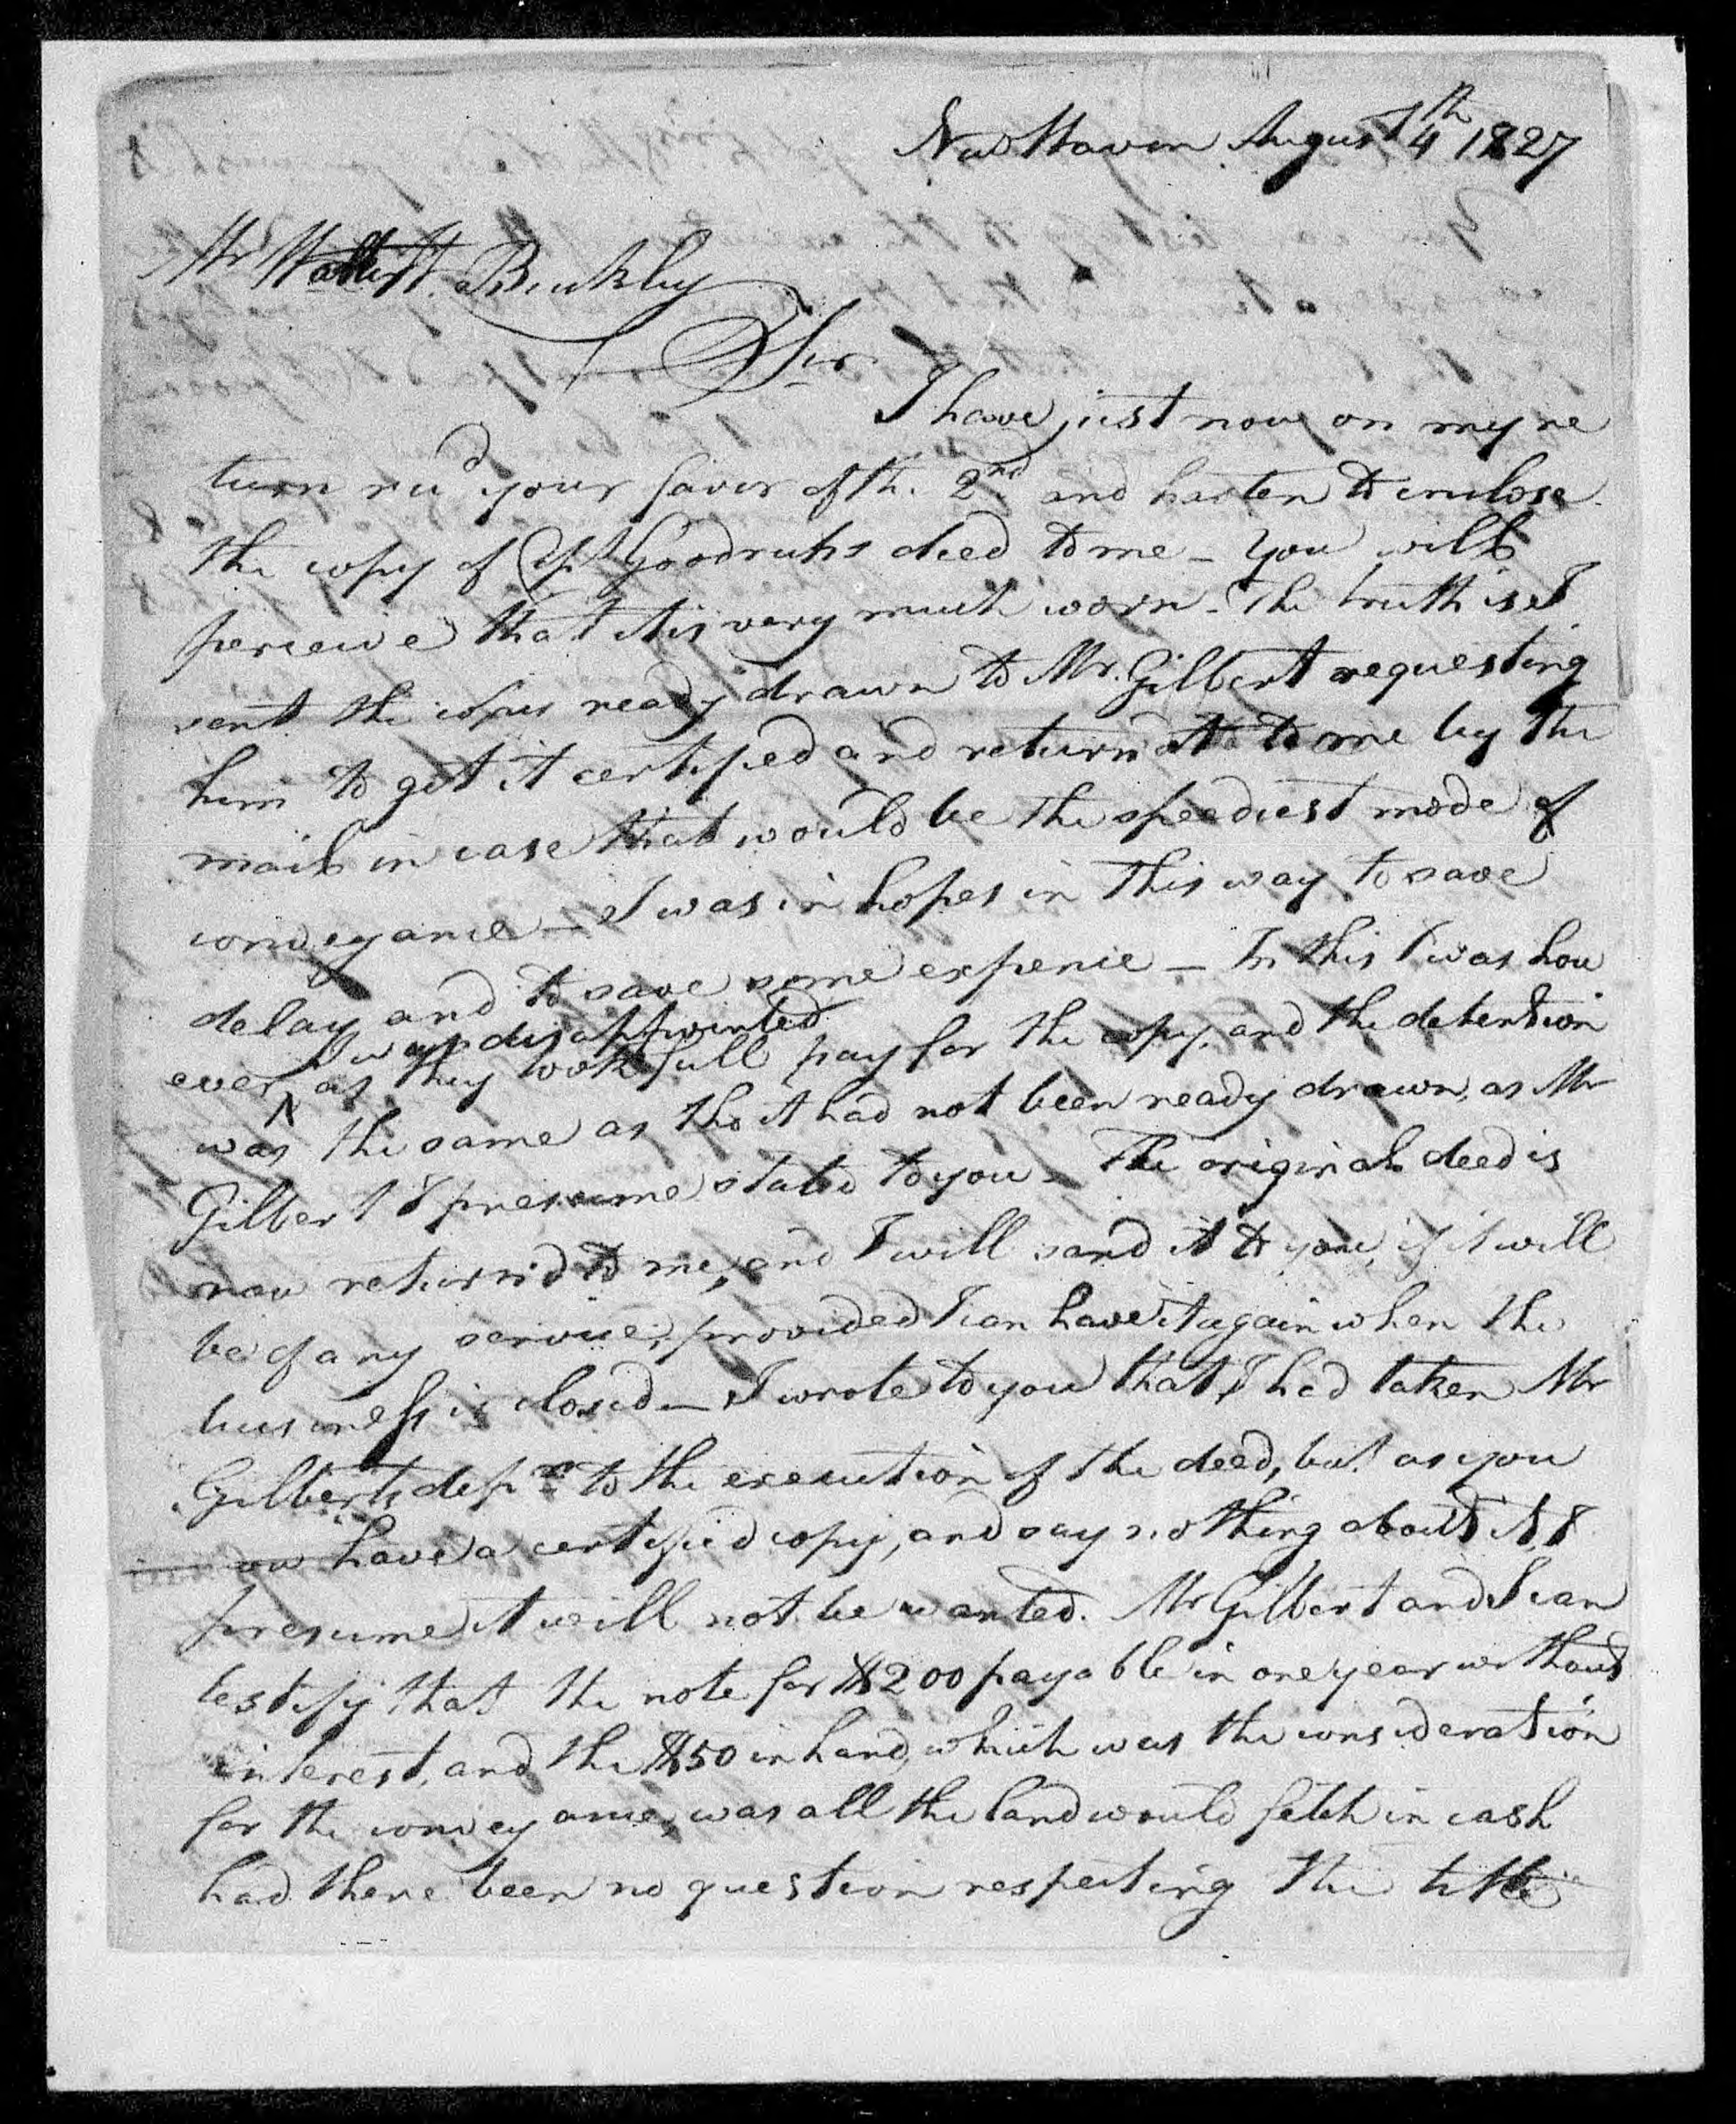New Haven August 4th 1827

Hon Walter W Buckley

Sir
I have just now on my turn recd your favor of the 2nd and hasten to enclose the copy of said Goodrichs deed to me. You will perceive that it is very much worn. The truth is I sent the copies ready drawn to Mr. Gilbert request him to get it certified and return it to me by the mail in case that would be the speediest mode of conveyance. I was in hopes in this way to delay and to save some expense. In this I was however way disappointed as they work full pay for the copy and the detention was the same as though it had not been ready drawn, as the Gilbert I presume stated to you.

The original deed is now returned to me, and I will send it to you if it will be of any service; provided I can have it again when the business is closed.

I wrote to you that I had taken Mr. Gilberts dep to the execution of the deed, but as you now have a certified copy, and say nothing about it, I presume it will not be wanted. Mr. Gilbert and I can testify that the note for $200 payable in one year without interest, and the $50 in hand, which was the consideration for the conveyance, was all the land would fetch in cash had there been no question respecting the title.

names: Gilbert, Walter W Buckley, Gilbert, Goodrich, Gilbert, Gilbert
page: 31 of 46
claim: survivor's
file: S. 36,556, Ichabod Goodrich, Conn.